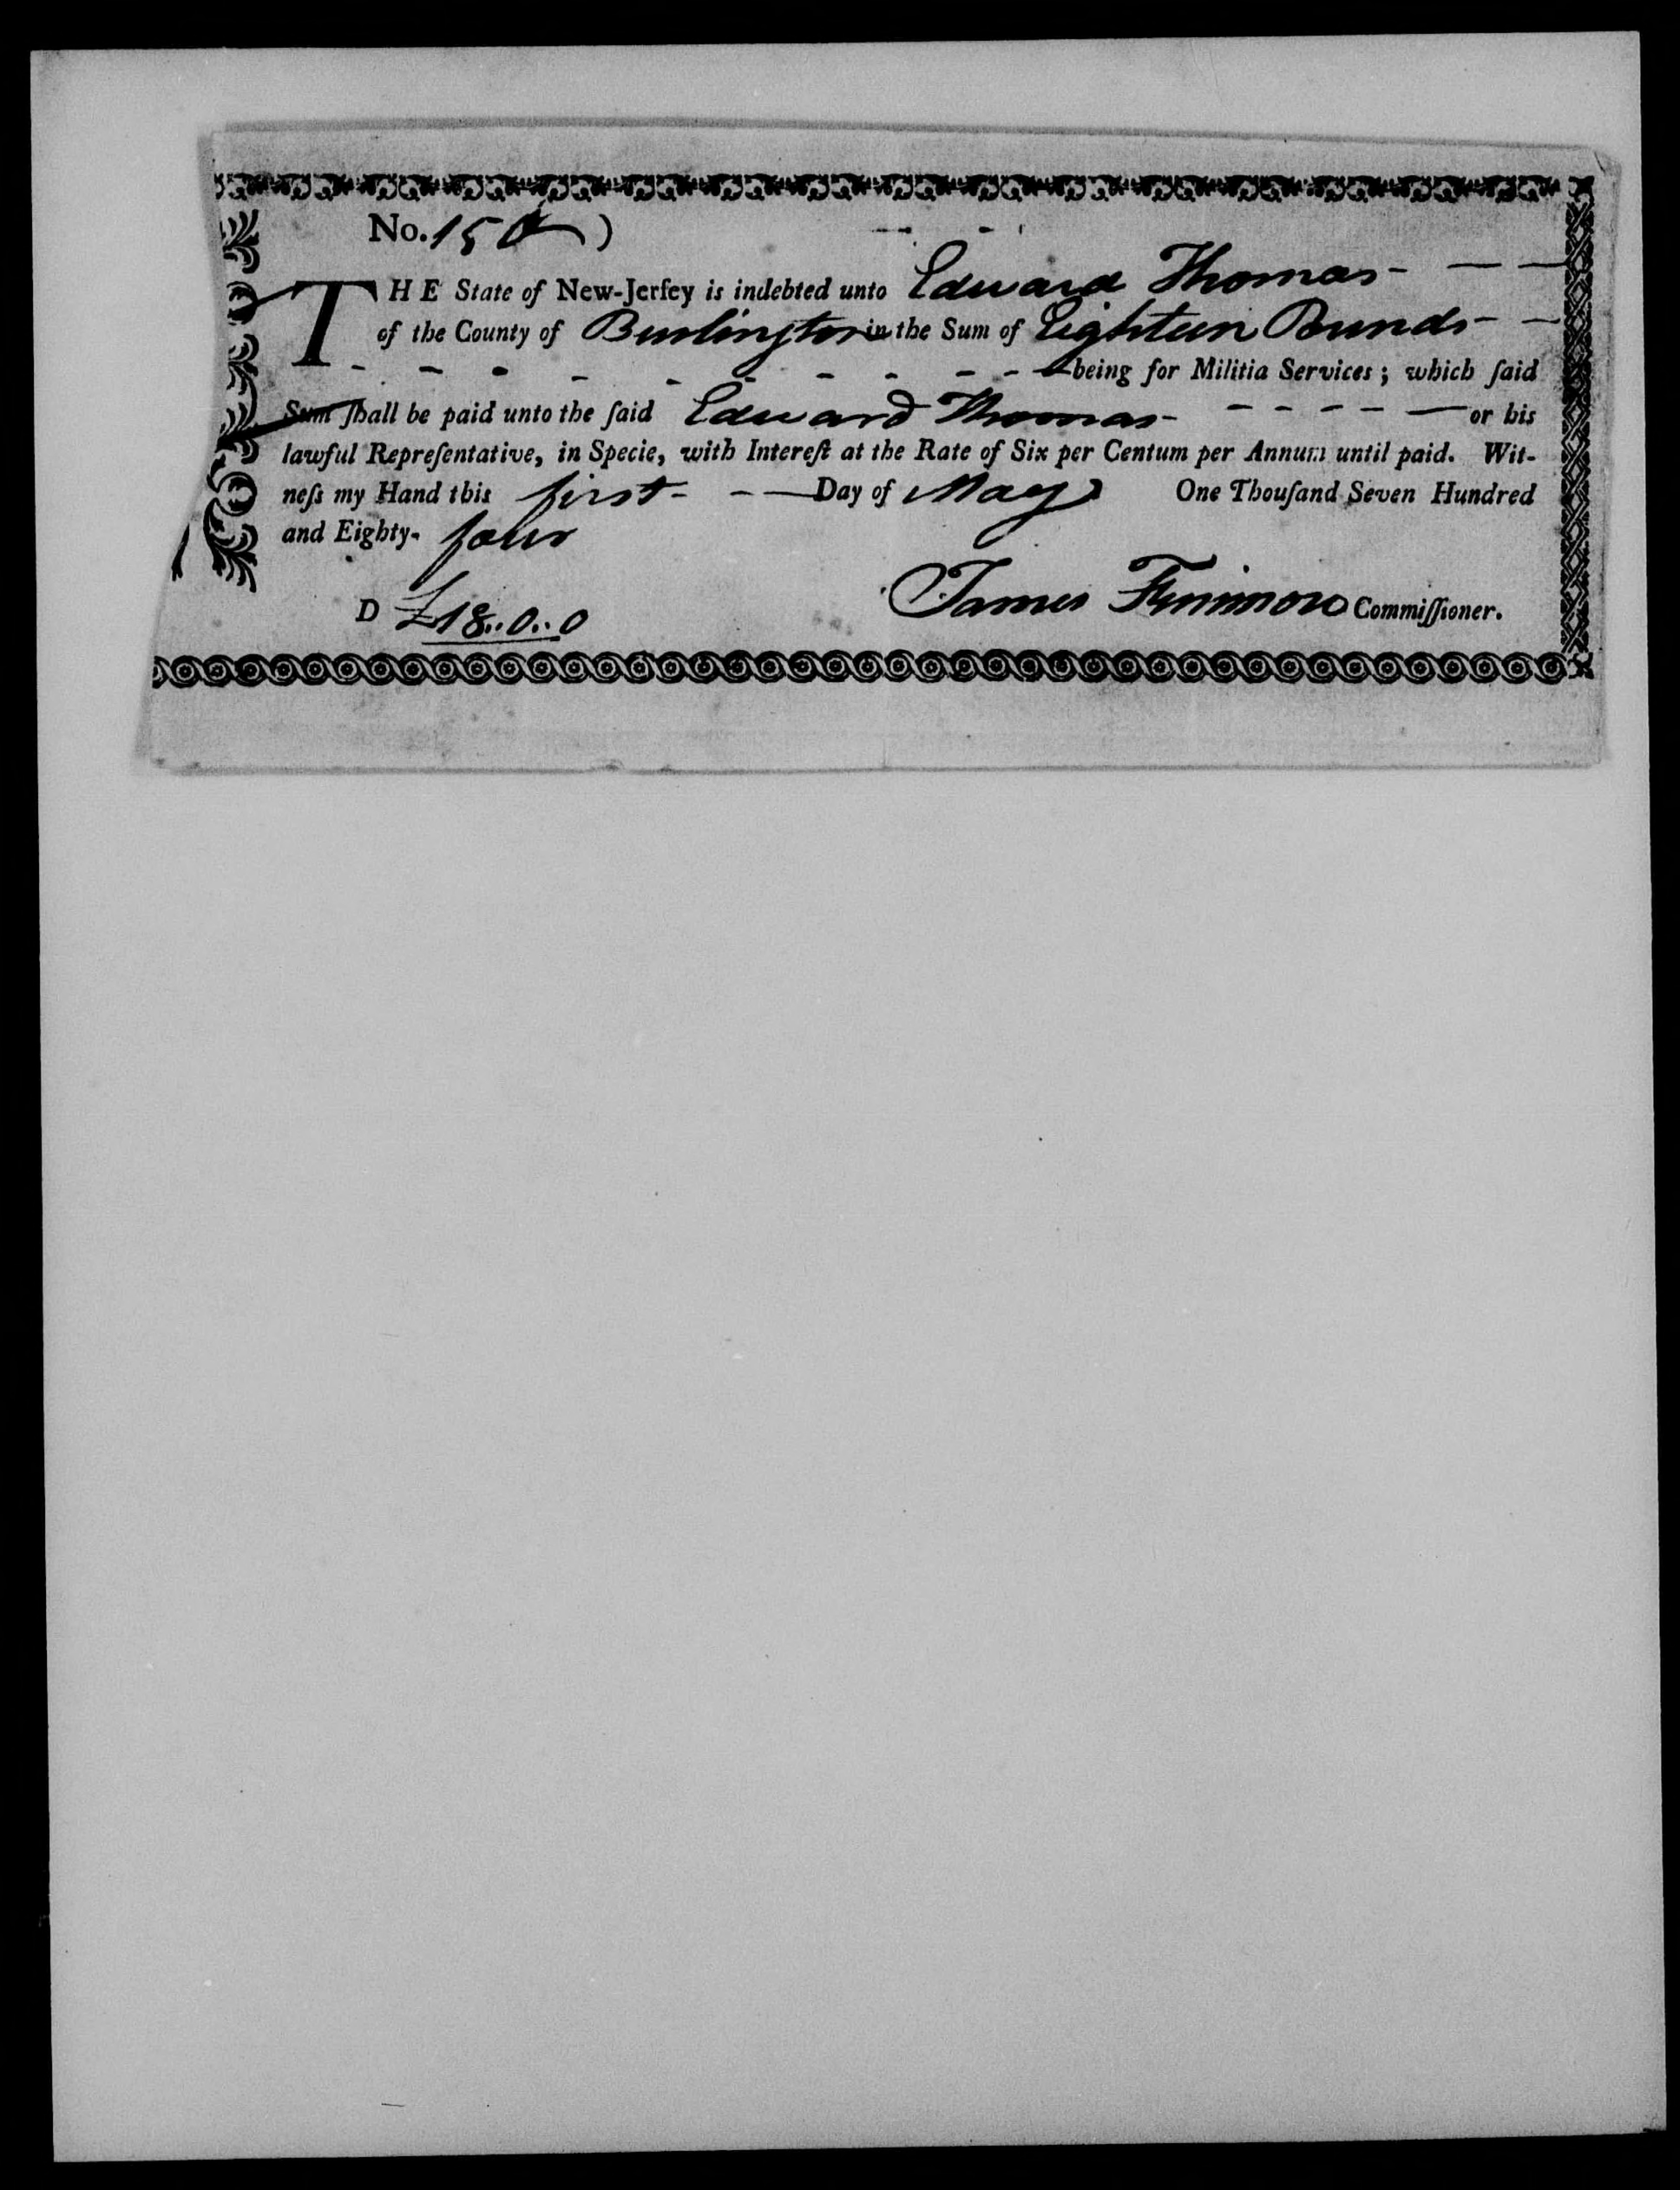No. 150
The State of New Jersey is indebted unto Edward Thomas of the County of Burlington in the Sum of Eighteen Pound —being for Militia Services; which said sum shall be paid unto the said Edward Thomas of his lawful Representative, in Specie, with Interest at the rate of Six per Centum per Annum until paid. Witness my Hand this first Day of May One Thousand Seven Hundred and Eighty Four
James Fenimore
Commissioner
D Z 18.00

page: 15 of 25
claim: rejected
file: R. 10513, for Edward Thomas, New Jersey